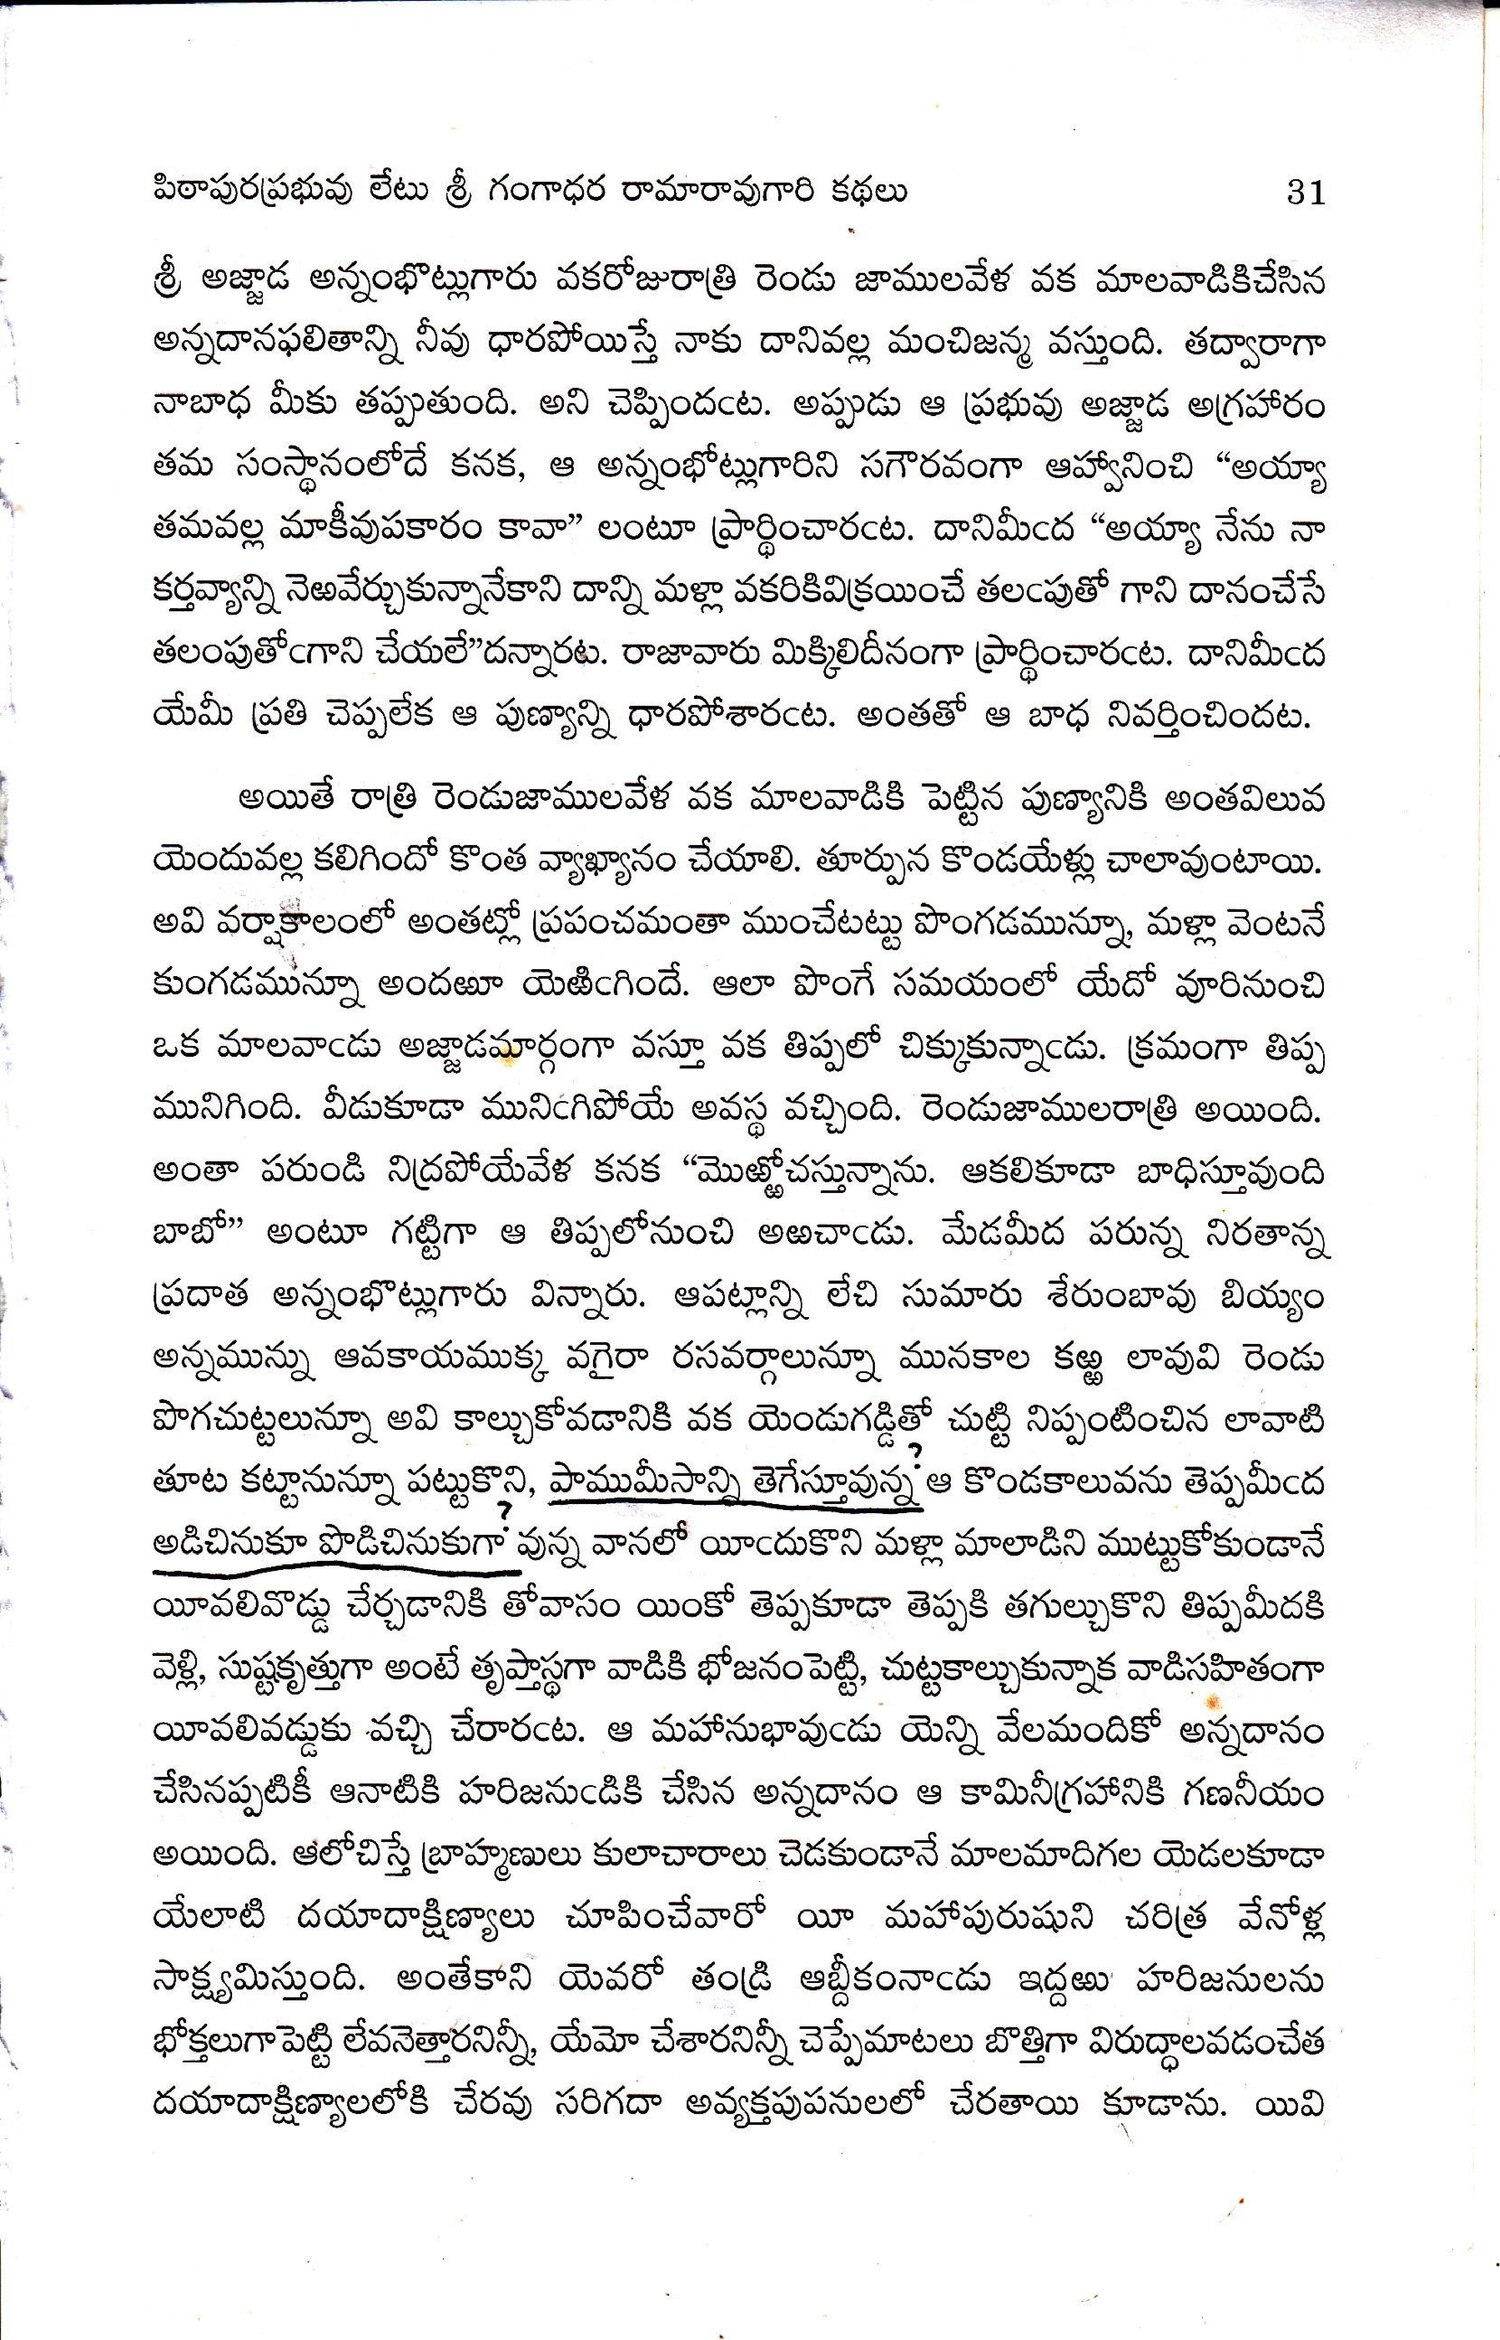శ్రీ అజ్ఞాడ అన్నంభౌట్లుగారు వకరోజరాత్రి రెండు జాములవేళ వక మాలవాడికిచేసిన అన్నదానఫలితాన్ని నీవు ధారపోయిస్తే నాకు దానివల్ల మంచిజన్మ వస్తుంది. తద్వారాగా నాబాధ మీకు తప్పతుంది. అని చెప్పిందంట. అప్పుడు ఆ ప్రభువు అజ్జాడ అగ్రహారం తమ సంస్థానంలోదే కనక, ఆ అన్నంభోట్లుగారిని సగౌరవంగా ఆహ్వానించి “అయ్యా తమవల్ల మాకీవుపకారం కావా" లంటూ ప్రార్ధించారంట. దానిమీంద "అయ్యా నేను నా కర్తవ్యాన్ని నెఱవేర్చుకున్నానేకాని దాన్ని మళ్లా వకరికివిక్రయించే తలంపుతో గాని దానంచేసే తలంపుతోంగాని చేయలేదన్నారట. రాజావారు మిక్కిలిదీనంగా ప్రార్థించారంట. దానిమీంద యేమీ ప్రతి చెప్పలేక ఆ పుణ్యాన్ని ధారపోశారంట. అంతతో ఆ బాధ నివర్తించిందట.

అయితే రాత్రి రెండుజాములవేళ వక మాలవాడికి పెట్టిన పుణ్యానికి అంతవిలువ యెందువల్ల కలిగిందో కొంత వ్యాఖ్యానం చేయాలి. తూర్పున కొండయేళ్లు చాలావుంటాయి. అవి వర్షాకాలంలో అంతల్లో ప్రపంచమంతా ముంచేటట్టు పొంగడమున్నూ మళ్లా వెంటనే కుంగడమున్నూ అందఱూ యెఱిఁగిందే. ఆలా పొంగే సమయంలో యేదో వూరినుంచి ఒక మాలవాండు అజ్ఞాడమార్గంగా వస్తూ వక తిప్పలో చిక్కుకున్నాండు. క్రమంగా తిప్ప మునిగింది. వీడుకూడా మునిఁగిపోయే అవస్థ వచ్చింది. రెండుజాములరాత్రి అయింది. అంతా పరుండి నిద్రపోయేవేళ కనక “మొట్టోచస్తున్నాను. ఆకలికూడా బాధిస్తూవుంది బాబో" అంటూ గట్టిగా ఆ తిప్పలోనుంచి అఱచాండు. మేడమీద పరున్న నిరతాన్న ప్రదాత అన్నంభోట్లుగారు విన్నారు. ఆపట్టాన్ని లేచి సుమారు శేరుంబావు బియ్యం అన్నమున్ను ఆవకాయముక్క వగైరా రసవర్గాలున్నూ మునకాల కఱ్ఱ లావు.వి రెండు పొగచుట్టలున్నూ అవి కాల్చుకోవడానికి వక యెండుగడ్డితో చుట్టి నిప్పంటించిన లావాటి తూట కట్టానున్నూ పట్టుకొని, ప్రామ్లమీస్తాన్ని తైగ్రేస్తూవున్న ఆ కొండకాలువను తెప్పమీంద అడిచినుక్తూప్రొడ్రిచిస్తుకుగా వున్న వానలో యీCదుకొని మళ్లా మాలాడిని ముట్టుకోకుండానే యీవలివొడ్డు చేర్చడానికి తోవాసం యింకో తెప్పకూడా తెప్పకి తగుల్చుకొని తిప్పమీదకి వెళ్లి, సుష్టకృత్తుగా అంటే తృప్తాస్థగా వాడికి భోజనంపెట్టి, చుట్టకాల్చుకున్నాక వాడిసహితంగా యీవలివడ్డుకు వచ్చి చేరారంట. ఆ మహానుభావుండు యెన్ని వేలమందికో అన్నదానం చేసినప్పటికీ ఆనాటికి హరిజనుండికి చేసిన అన్నదానం ఆ కామినీగ్రహానికి గణనీయం అయింది. ఆలోచిస్తే బ్రాహ్మణులు కులాచారాలు చెడకుండానే మాలమాదిగల యెడలకూడా యేలాటి దయాదాక్షిణ్యాలు చూపించేవారో యీ మహాపురుషుని చరిత్ర వేనోళ్ల సాక్ష్యమిస్తుంది. అంతేకాని యెవరో తండ్రి ఆబ్లీకంనాండు ఇద్దఱు హరిజనులను భోక్తలుగాపెట్టి లేవనెత్తారనిన్నీ యేమో చేశారనిన్నీ చెప్పేమాటలు బొత్తిగా విరుద్ధాలవడంచేత దయాదాక్షిణ్యాలలోకి చేరవు సరిగదా అవ్యక్తపుపనులలో చేరతాయి కూడాను. యివి